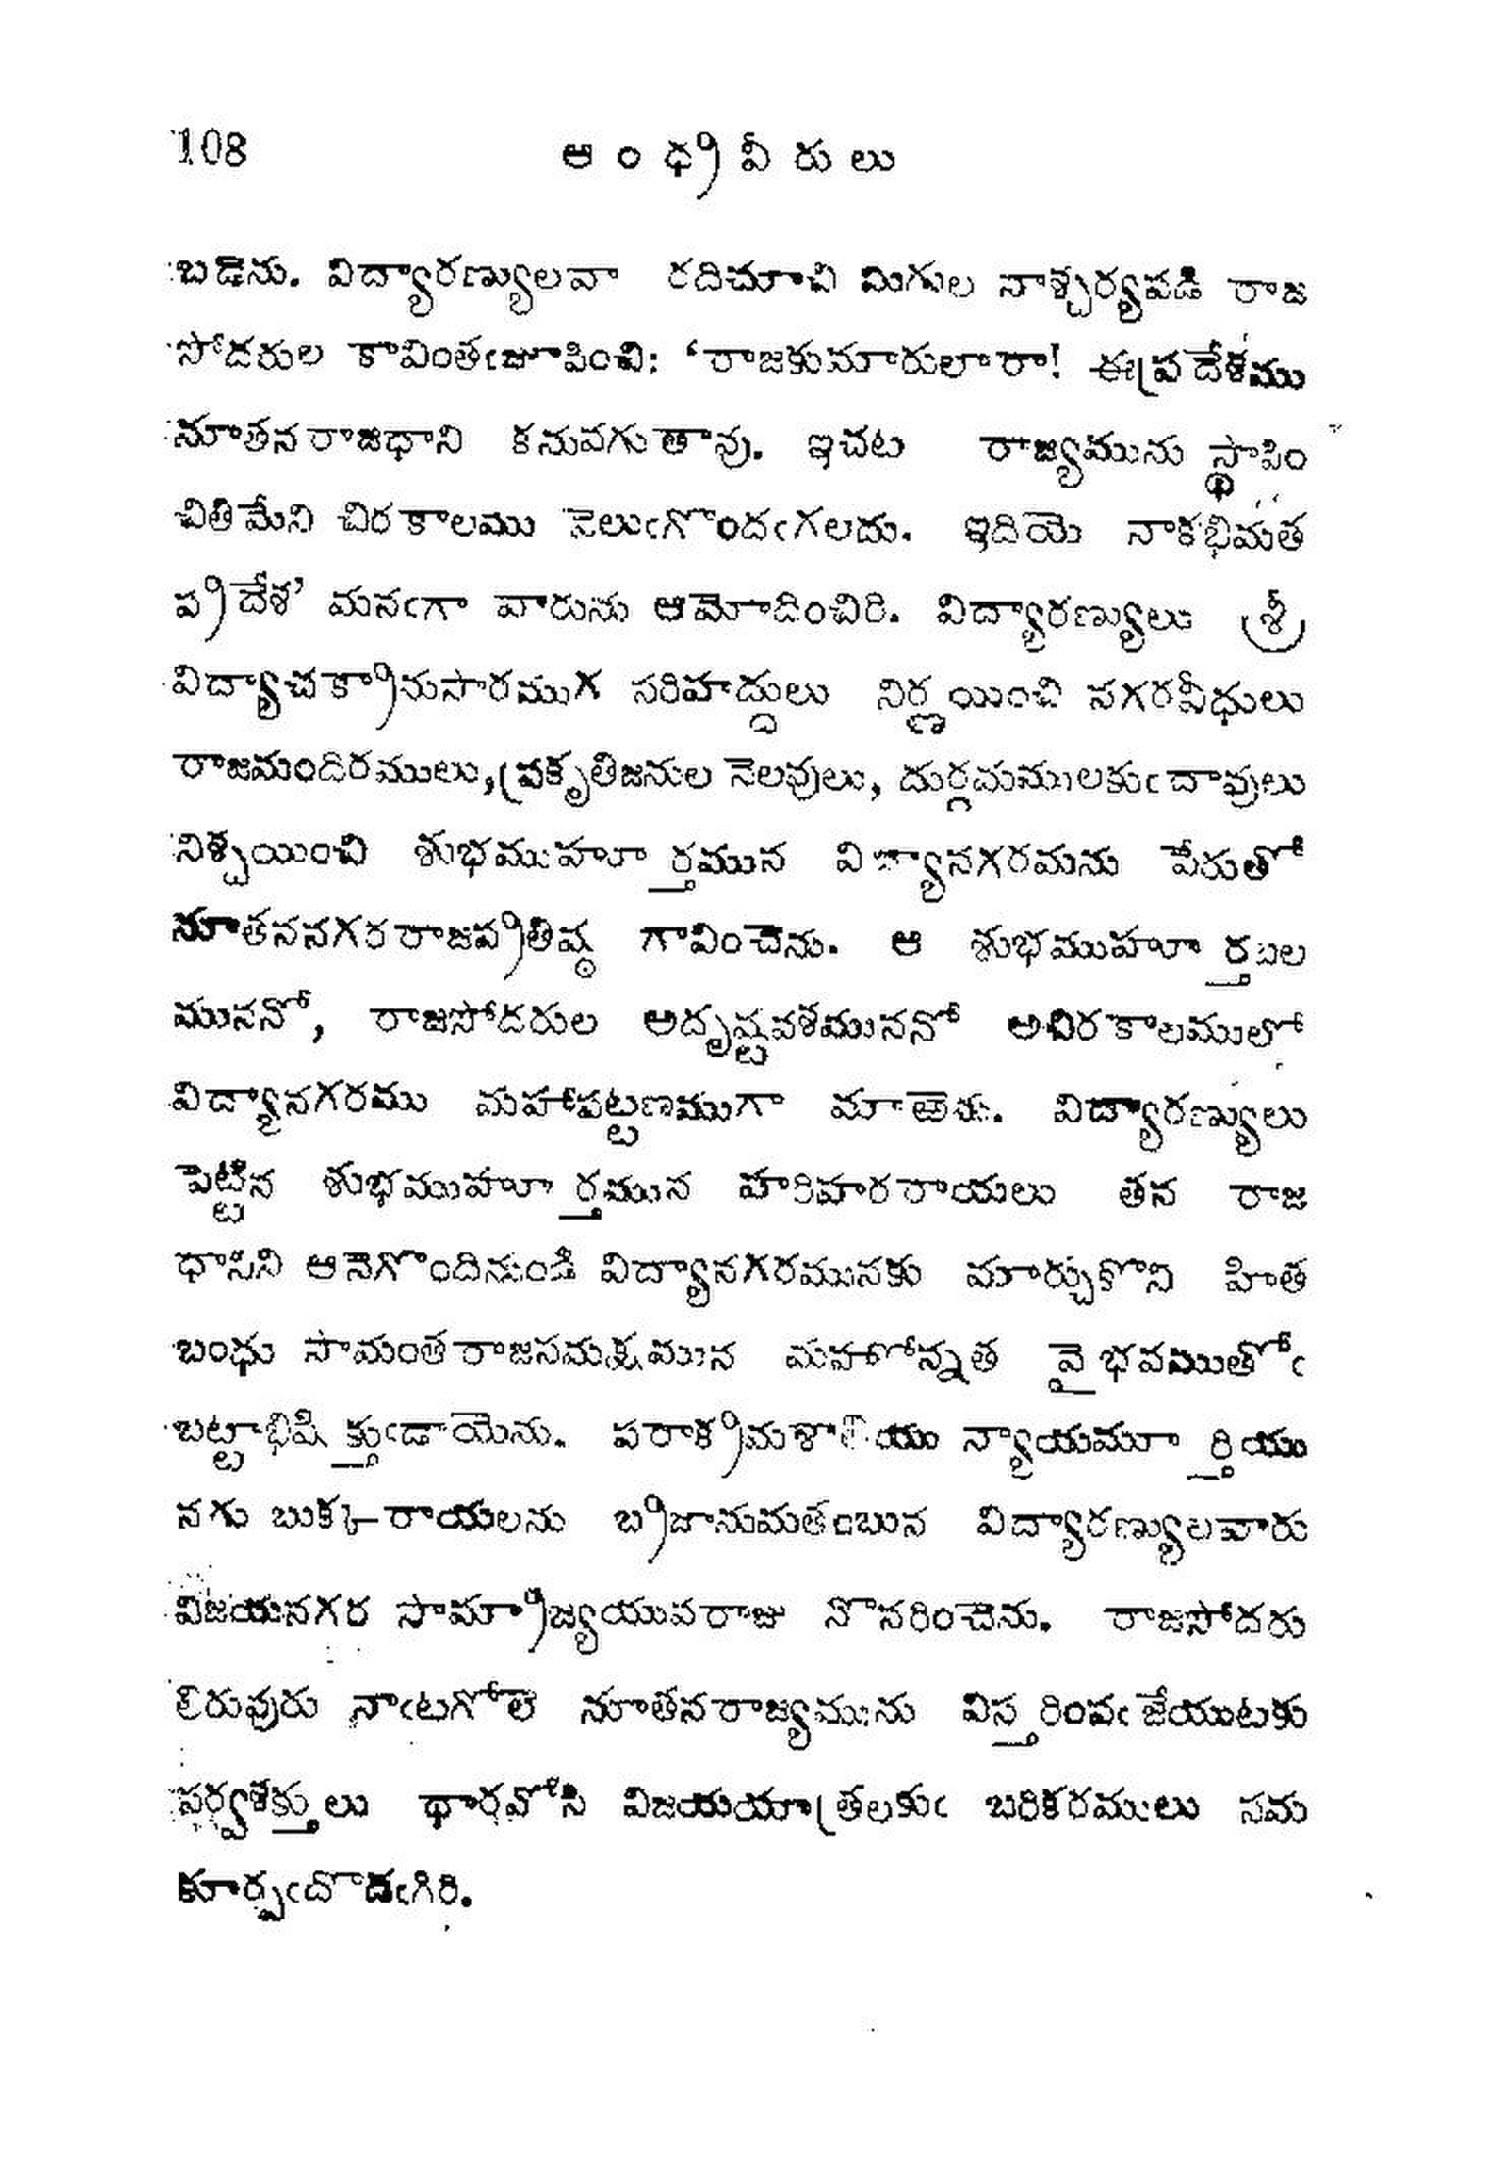బడెను. విద్యారణ్యులవా రదిచూచి మిగుల నాశ్చర్యపడి రాజసోదరుల కావింతజూపించి: 'రాజకుమారులారా! ఈప్రదేశము నూతనరాజధాని కనువగుతావు. ఇచట రాజ్యమును స్థాపించితిమేని చిరకాలము వెలుగొంద గలదు. ఇదియె నాకభిమత ప్రదేశ' మనగా వారును ఆమోదించిరి. విద్యారణ్యులు శ్రీ విద్యాచక్రానుసారముగ సరిహద్దులు నిర్ణయించి నగరవీధులు రాజమందిరములు, ప్రకృతిజనుల నెలవులు, దుర్గమములకు దావులు నిశ్చయించి శుభముహూర్తమున విద్యానగరమను పేరుతో నూతననగరరాజప్రతిష్ఠ గావించెను. ఆ శుభముహూర్తబలముననో, రాజసోదరుల అదృష్టవశముననో అచిరకాలములో విద్యానగరము మహాపట్టణముగా మాఱెను. విద్యారణ్యులు పెట్టిన శుభముహూర్తమున హరిహరరాయలు తన రాజధానిని ఆనెగొందినుండి విద్యానగరమునకు మార్చుకొని హితబంధు సామంతరాజసమక్షమున మహోన్నత వైభవముతో బట్టాభిషిక్తుడాయెను. పరాక్రమశాలియు న్యాయమూర్తియునగు బుక్కరాయలను బ్రజానుమతంబున విద్యారణ్యులవారు విజయనగర సామ్రాజ్యయువరాజు నొనరించెను. రాజసోదరు లిరువురు నాటగోలె నూతనరాజ్యమును విస్తరింపజేయుటకు సర్వశక్తులు థారవోసి విజయయాత్రలకు బరికరములు సమకూర్పదొడగిరి.